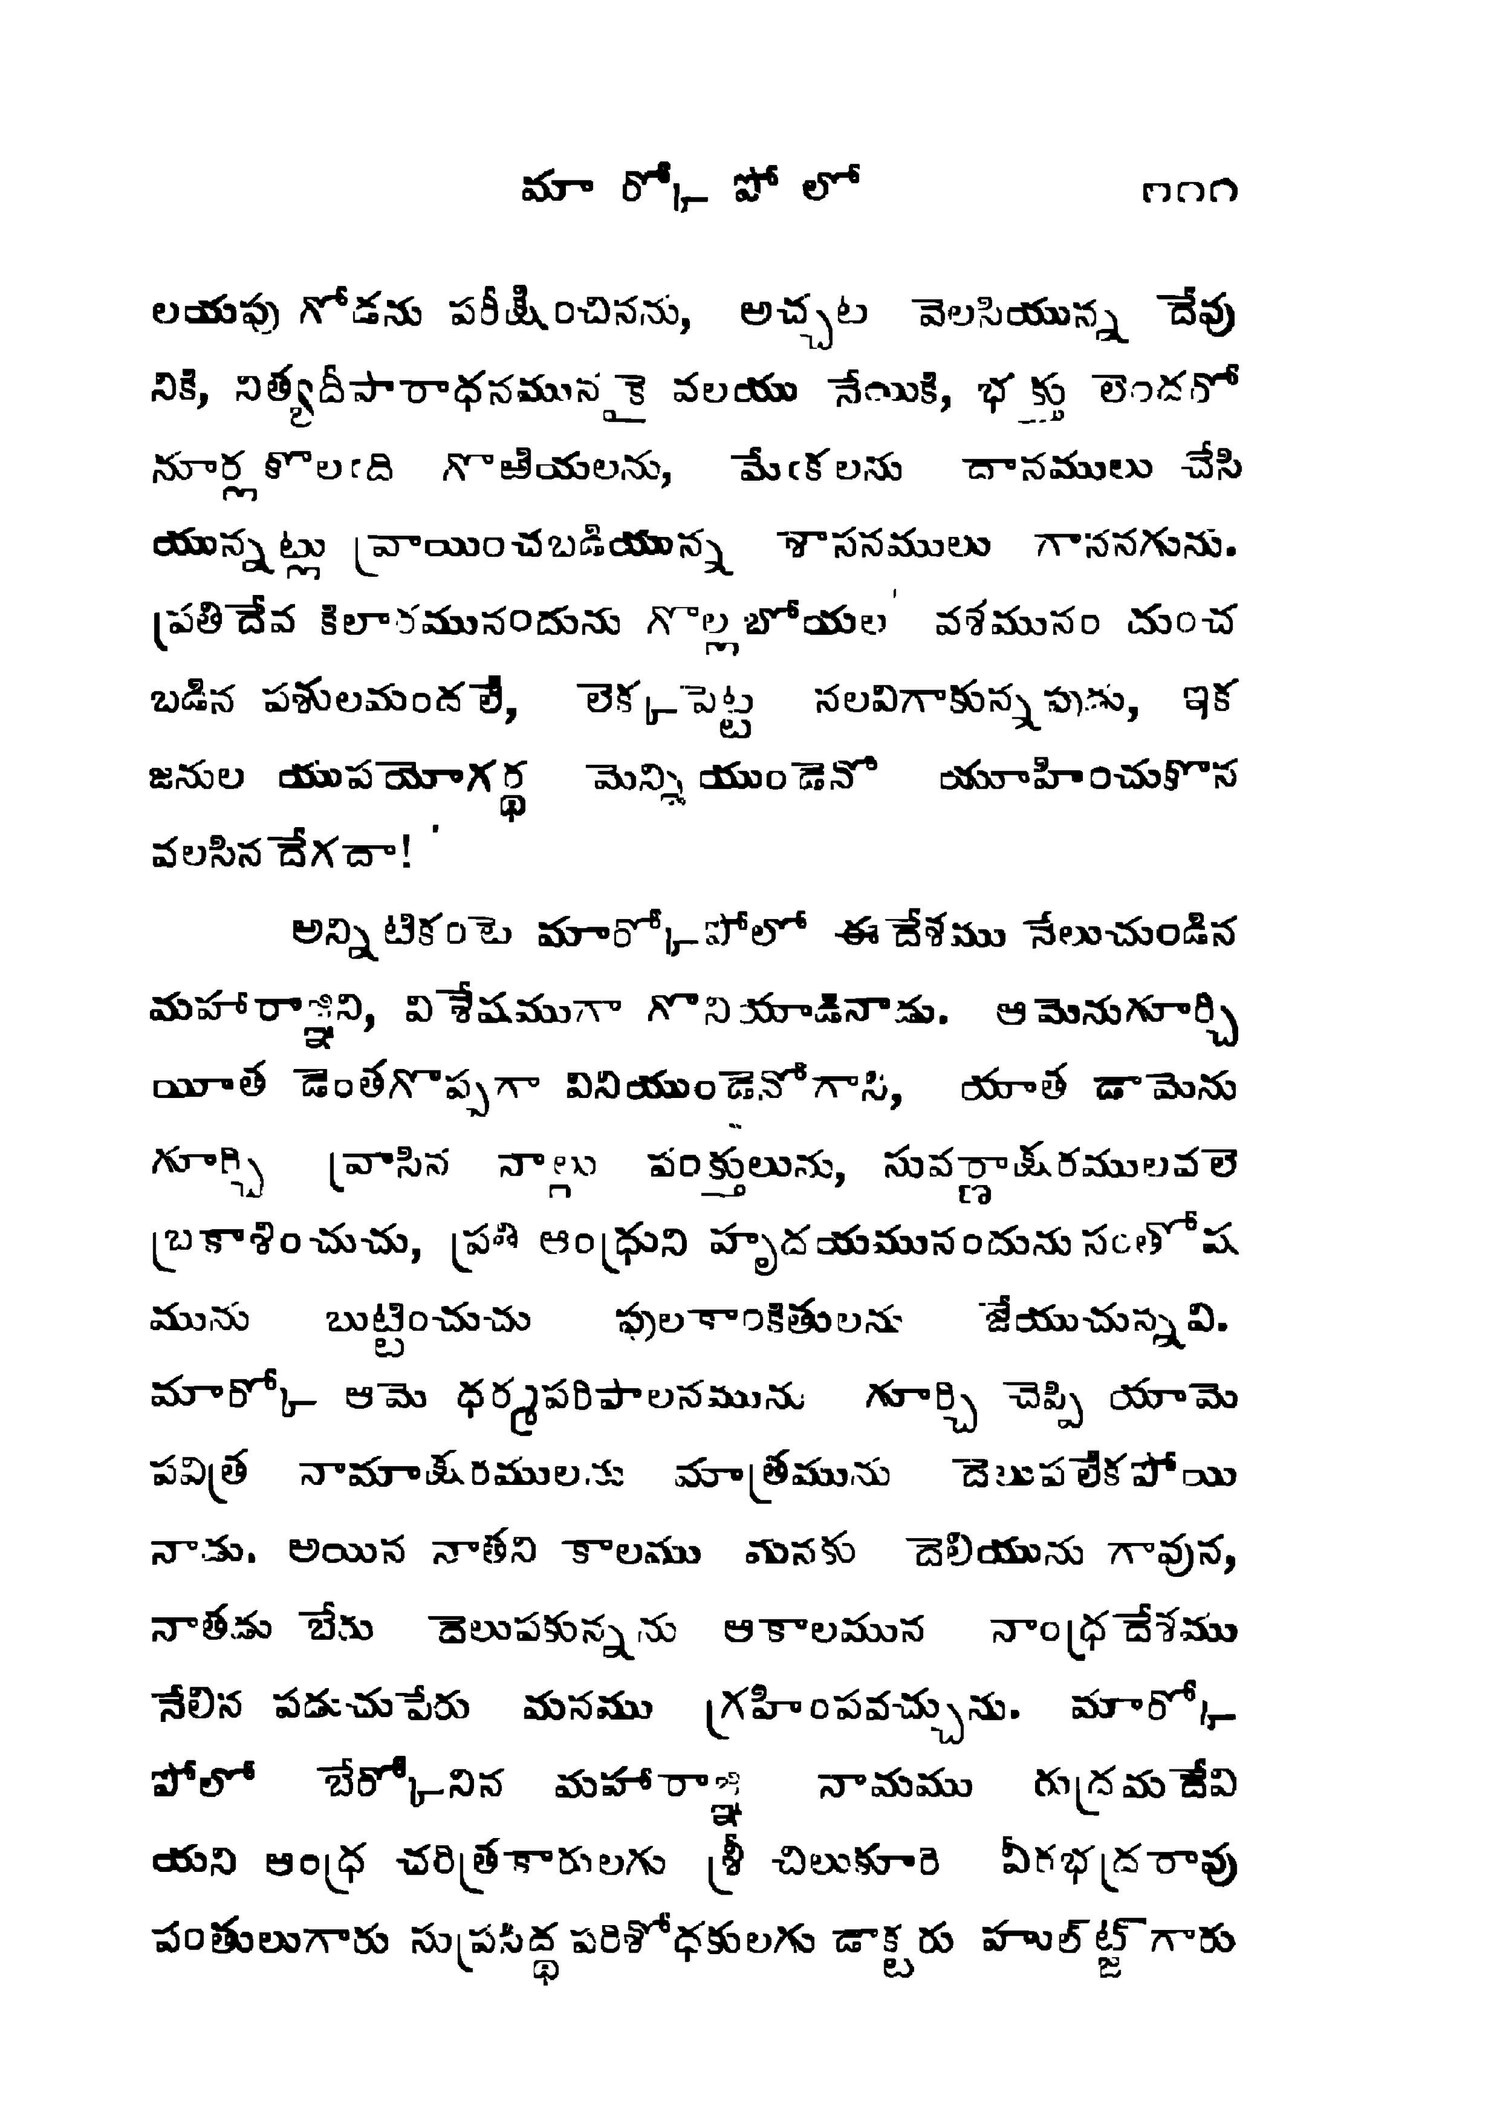లయపు గోడను పరీక్షించినను, అచ్చట వెలసియున్న దేవునికి, నిత్యదీపారాధనమునకై వలయు నేయికి, భక్తు లెందరో నూర్లకొలది గొఱియలను, మేకలను దానములు చేసి యున్నట్లు వ్రాయించ బడియున్న శాసనములు గాననగును. ప్రతిదేవ కిలారము నందును గొల్లబోయల వశమునం దుంచబడిన పశులమందలే, లెక్కపెట్ట నలవిగాకున్నపుడు, ఇక జనుల యుపయోగర్థ మెన్నియుండెనో యూహించుకొన వలసినదేగదా!

అన్నిటికంటె మార్కోపోలో ఈదేశము నేలుచుండిన మహారాజ్ఞిని, విశేషముగా గొనియాడినాడు. ఆమెనుగూర్చి యీత డెంతగొప్పగా వినియుండెనోగాని, యాత డామెను గూర్చి వ్రాసిన నాల్గు పంక్తులును, సువర్ణాక్షరములవలె బ్రకాశించుచు, ప్రతి ఆంధ్రుని హృదయము నందును సంతోషమును బుట్టించుచు పులకాంకితులను జేయుచున్నవి. మార్కో ఆమె ధర్మ పరిపాలనమును గూర్చి చెప్పి యామె పవిత్ర నామాక్షరములను మాత్రమును దెలుపలేక పోయినాడు. అయిన నాతని కాలము మనకు దెలియును గావున, నాతడు బేరు దెలుపకున్నను ఆకాలమున నాంధ్రదేశము నేలిన పడుచుపేరు మనము గ్రహింపవచ్చును. మార్కోపోలో బేర్కోనిన మహారాజ్ఞి నామము రుద్రమదేవి యని ఆంధ్ర చరిత్రకారులగు శ్రీ చిలుకూరి వీరభద్రరావు పంతులుగారు సుప్రసిద్ధ పరిశోధకులగు డాక్టరు హుల్‌ట్జ్ గారు